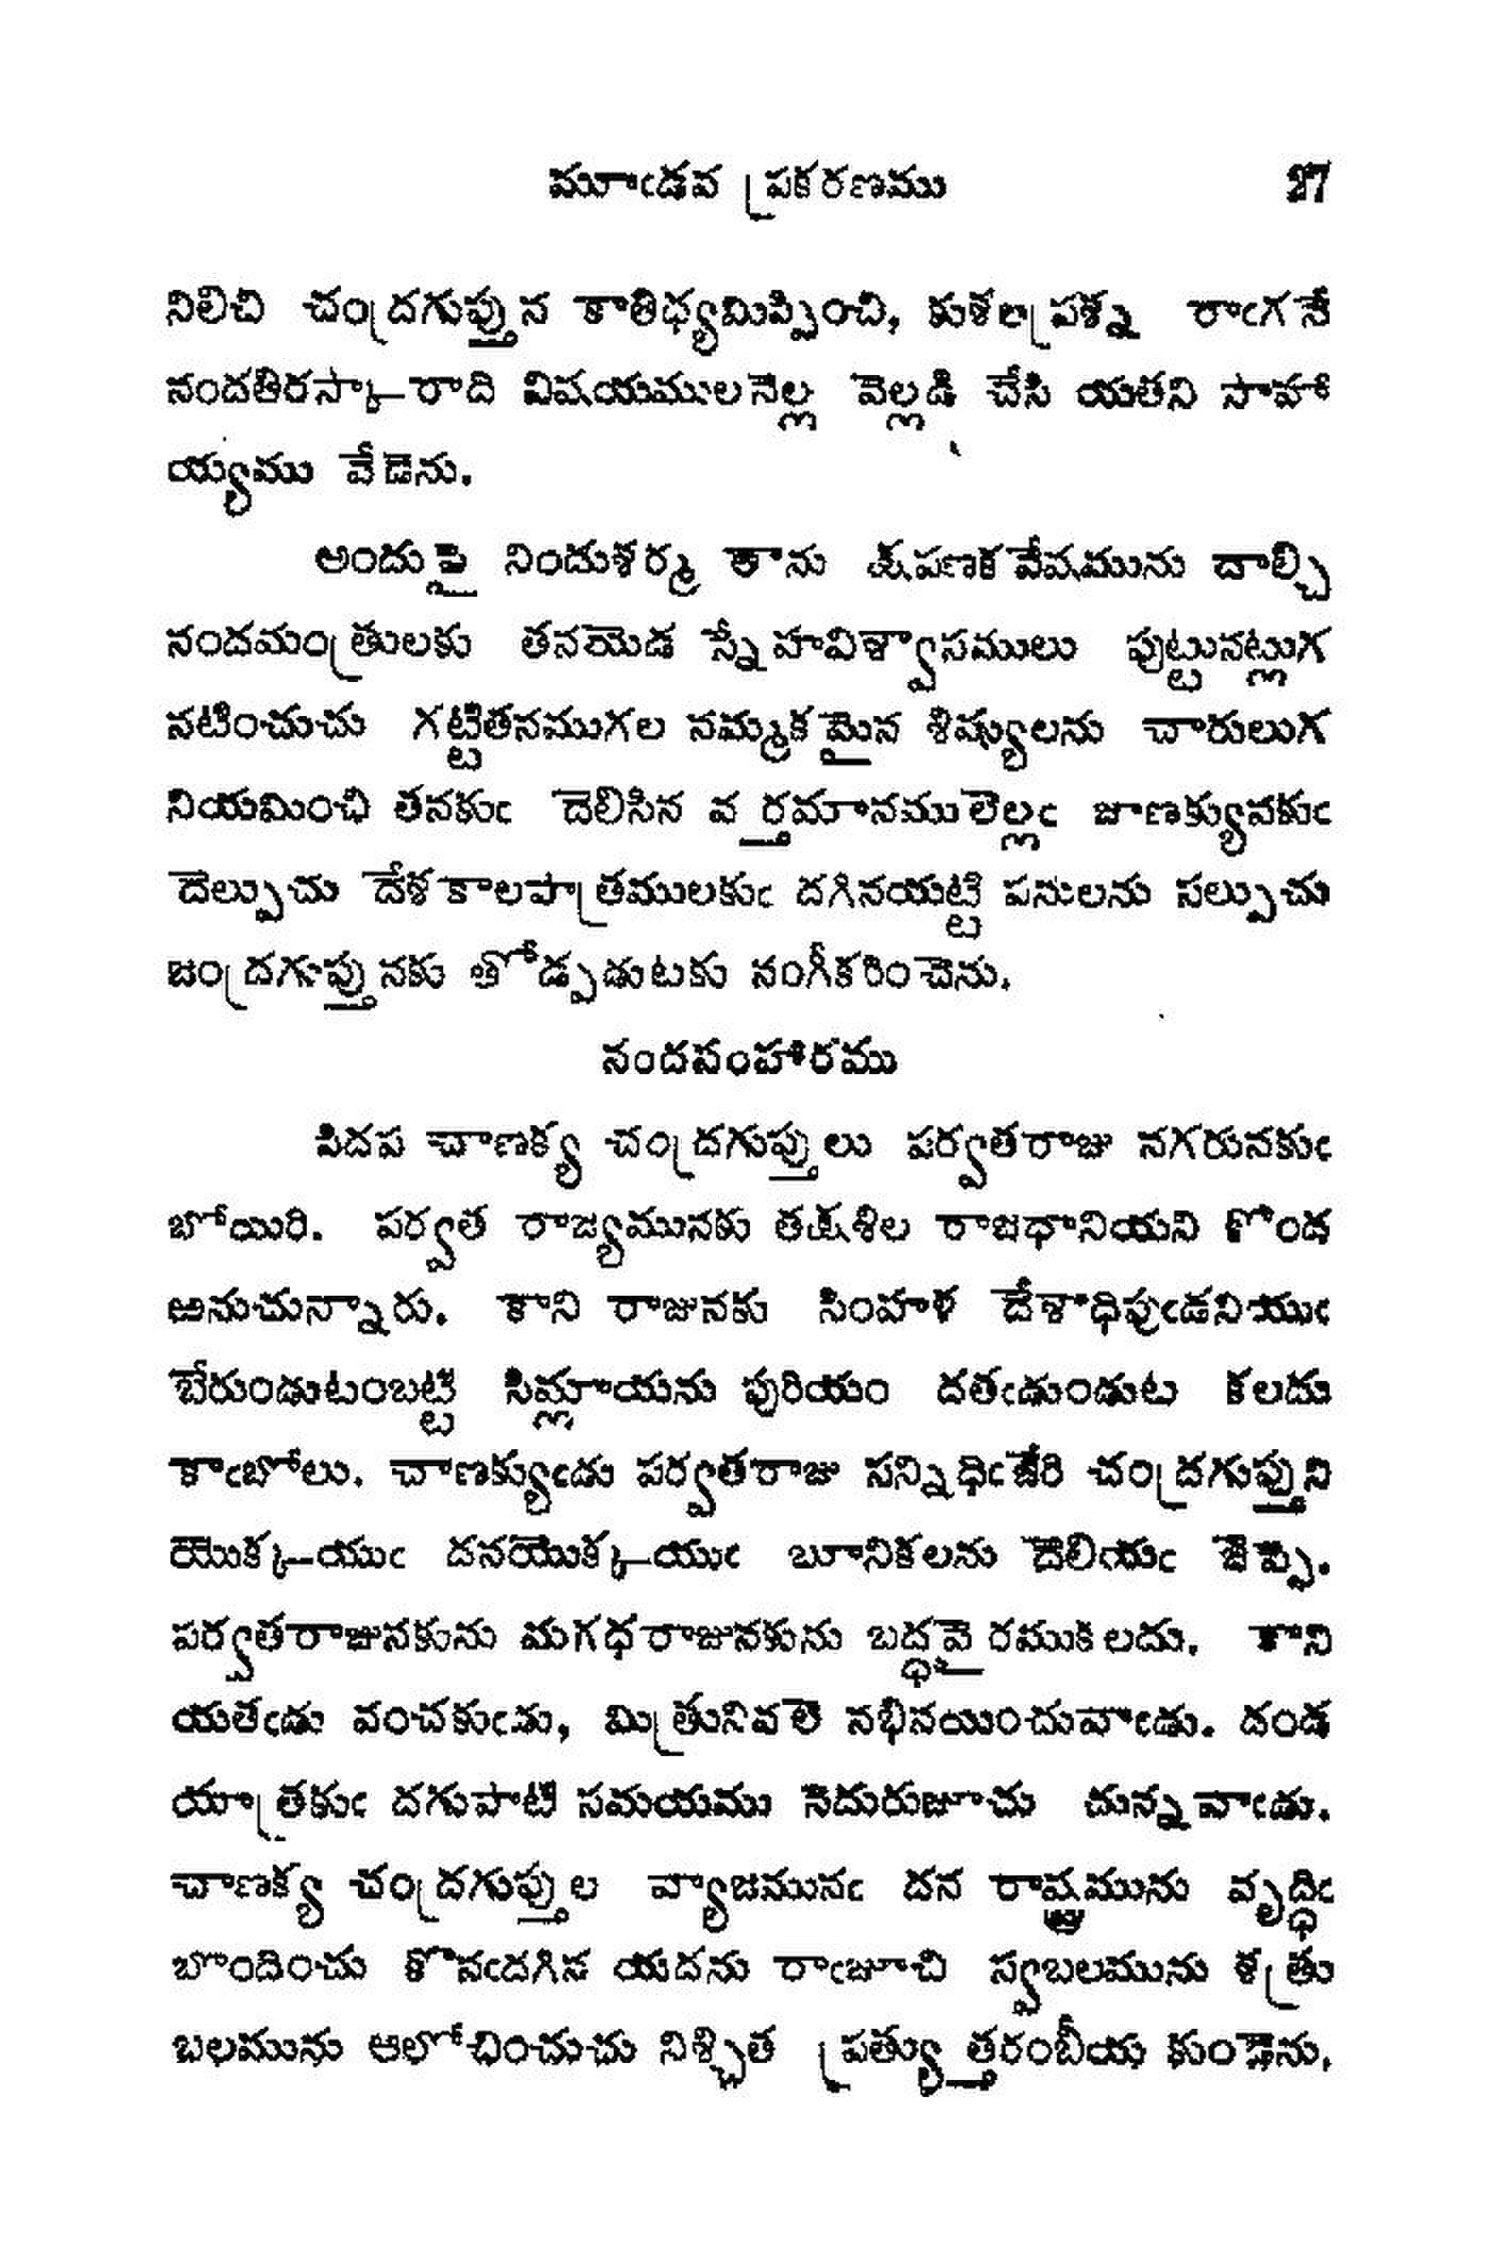నిలిచి చంద్రగుప్తున కాతిధ్యమిప్పించి, కుశలప్రశ్న రాఁగనే నందతిరస్కారాది విషయములనెల్ల వెల్లడి చేసి యతని సాహాయ్యము వేడెను.

అందుపై నిందుశర్మ తాను క్షపణకవేషమును దాల్చి నందమంత్రులకు తనయెడ స్నేహవిశ్వాసములు పుట్టునట్లుగ నటించుచు గట్టితనముగల నమ్మకమైన శిష్యులను చారులుగ నియమించి తనకుఁ దెలిసిన వర్తమానములెల్లఁ జాణక్యునకుఁ దెల్పుచు దేశకాలపాత్రములకుఁ దగినయట్టి పనులను సల్పుచు జంద్రగుప్తునకు తోడ్పడుటకు నంగీకరించెను.

నందసంహారము

పిదప చాణక్య చంద్రగుప్తులు పర్వతరాజు నగరునకుఁ బోయిరి. పర్వత రాజ్యమునకు తక్షశిల రాజధానియని కొందఱనుచున్నారు. కాని రాజునకు సింహళ దేశాధిపుఁడనియుఁ బేరుండుటంబట్టి సిమ్లాయను పురియం దతఁడుండుట కలదు కాఁబోలు. చాణక్యుఁడు పర్వతరాజు సన్నిధిఁజేరి చంద్రగుప్తుని యొక్కయుఁ దనయొక్కయుఁ బూనికలను దెలియఁ జెప్పె. పర్వతరాజునకును మగధరాజునకును బద్ధవైరముకలదు. కాని యతఁడు వంచకుఁడు, మిత్రునివలె నభినయించువాఁడు. దండయాత్రకుఁ దగుపాటి సమయము నెదురుజూచు చున్నవాఁడు. చాణక్య చంద్రగుప్తుల వ్యాజమునఁ దన రాష్ట్రమును వృద్ధిఁ బొందించు కొనఁదగిన యదను రాఁజూచి స్వబలమును శత్రు బలమును ఆలోచించుచు నిశ్చిత ప్రత్యుత్తరంబీయ కుండెను.